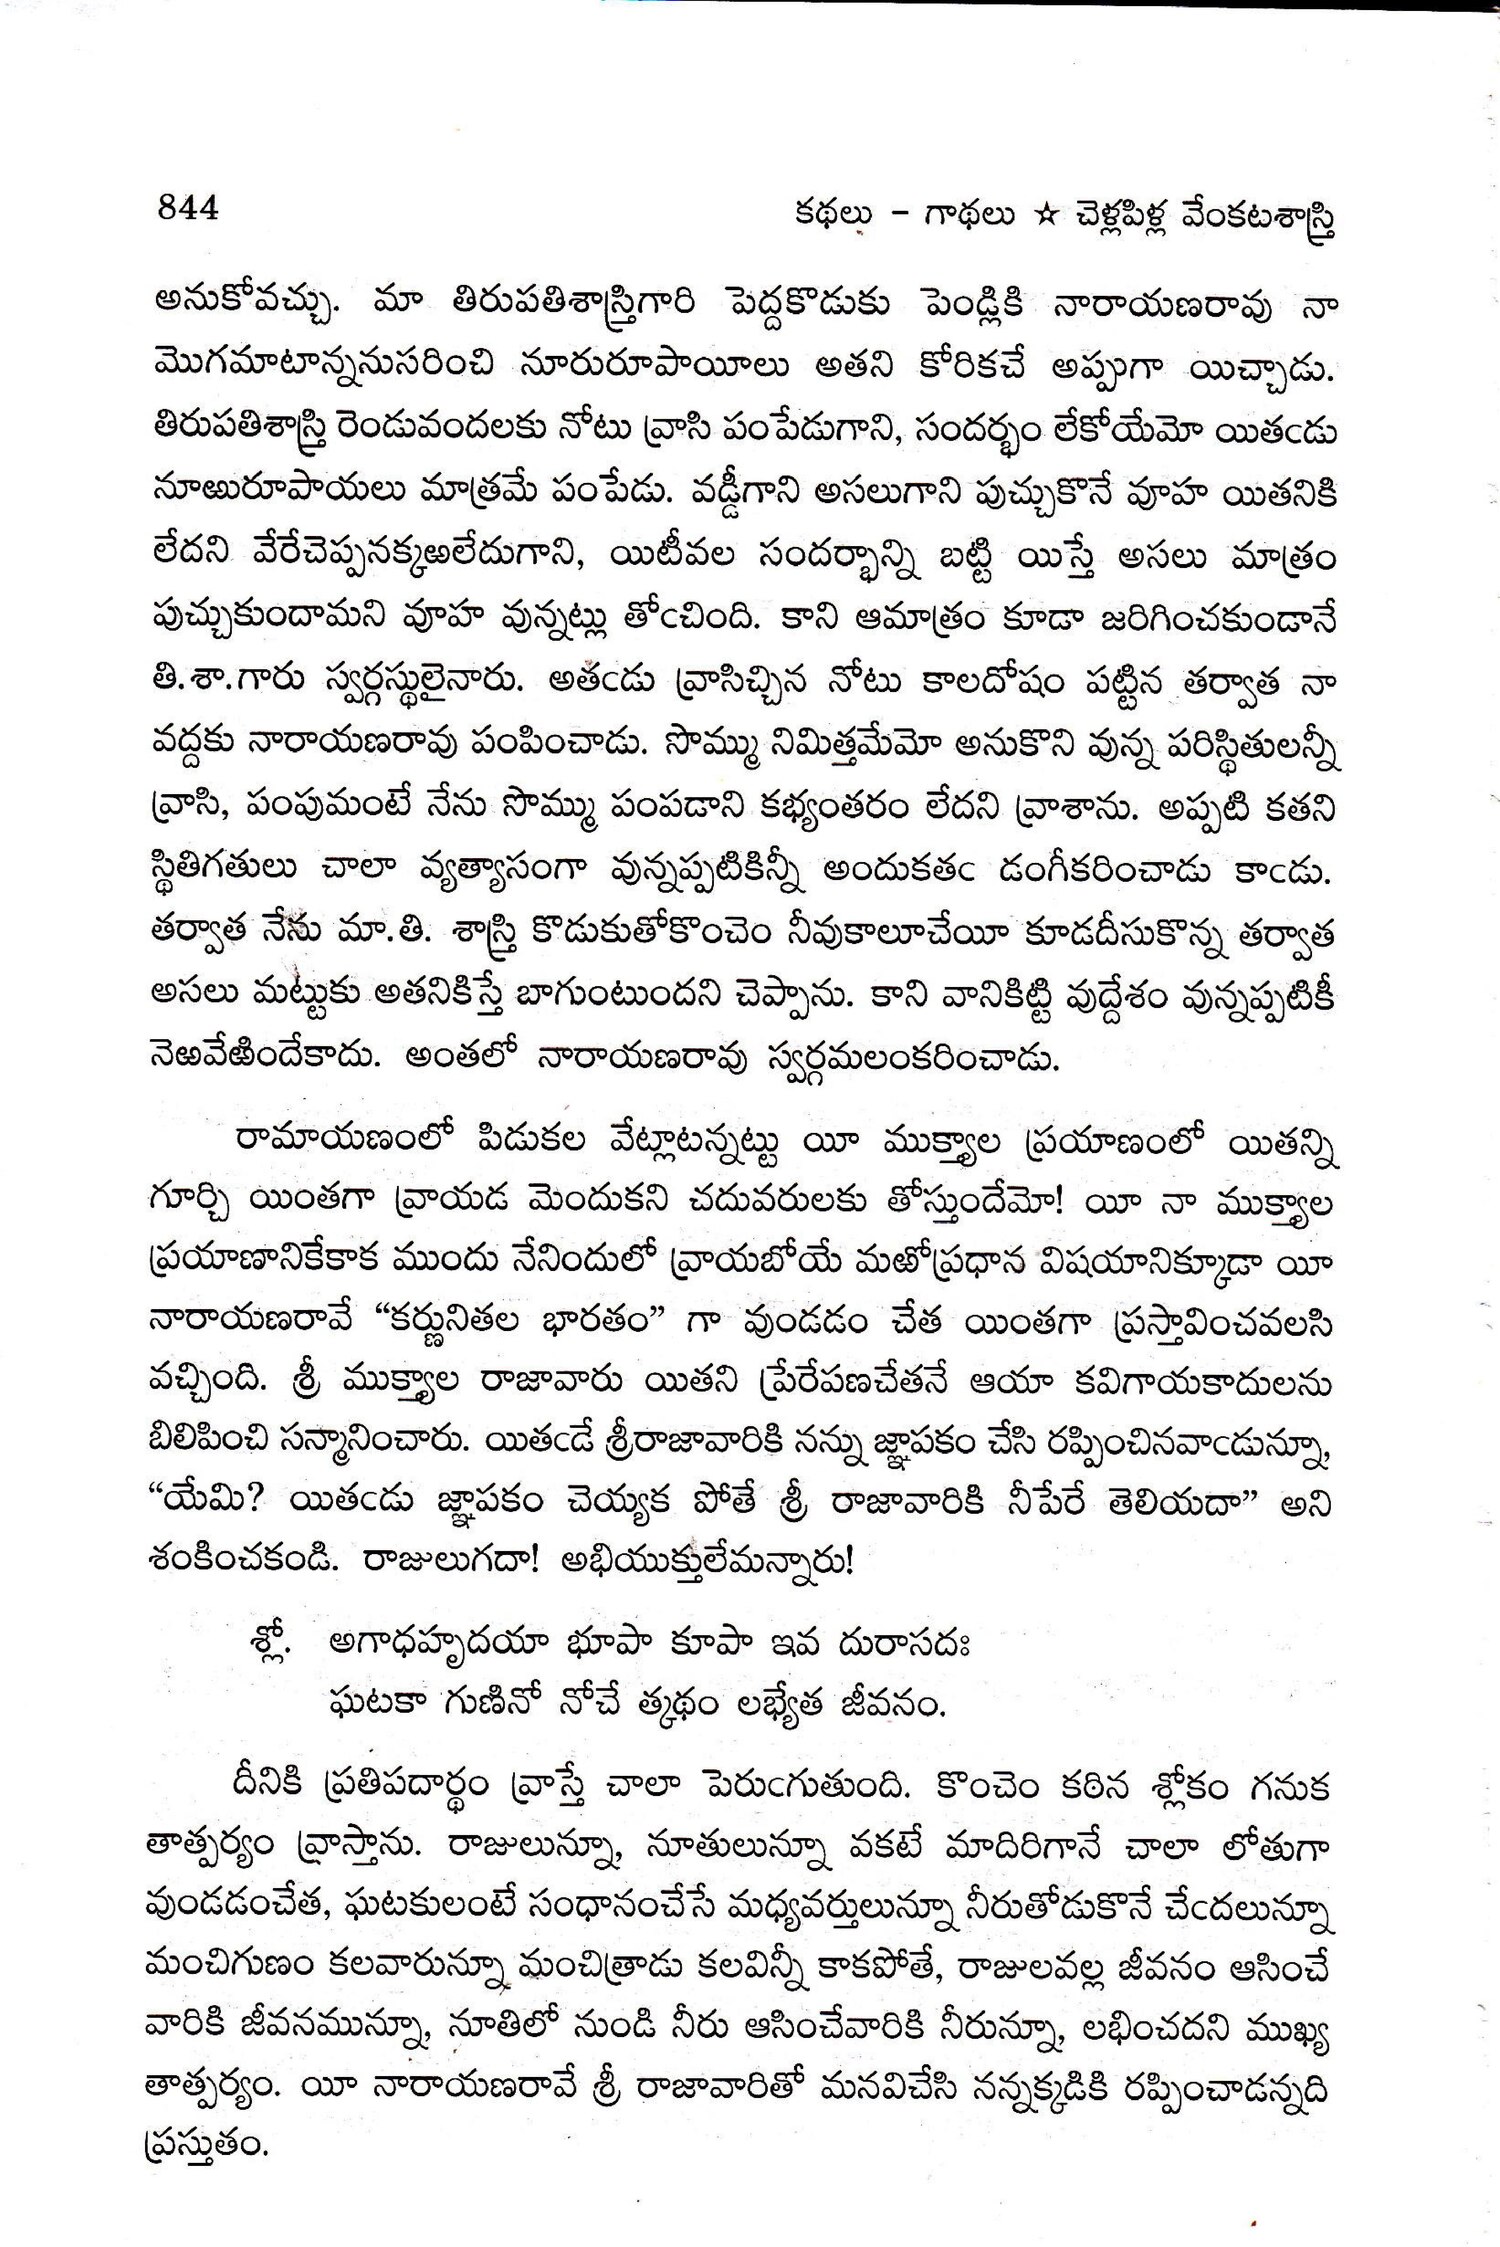అనుకోవచ్చు. మా తిరుపతిశాస్త్రిగారి పెద్దకొడుకు పెండ్లికి నారాయణరావు నా మొగమాటాన్ననుసరించి నూరురూపాయిలు అతని కోరికచే అప్పుగా యిచ్చాడు. తిరుపతిశాస్త్రి రెండువందలకు నోటు వ్రాసి పంపేడుగాని, సందర్భం లేకోయేమో యితఁడు నూఱురూపాయలు మాత్రమే పంపేడు. వడ్డీగాని అసలుగాని పుచ్చుకొనే వూహ యితనికి లేదని వేరేచెప్పనక్కఱలేదుగాని, యిటీవల సందర్భాన్ని బట్టి యిస్తే అసలు మాత్రం పుచ్చుకుందామని వూహ వున్నట్లు తోఁచింది. కాని ఆమాత్రం కూడా జరిగించకుండానే తి. శా.గారు స్వర్గస్థులైనారు. అతఁడు వ్రాసిచ్చిన నోటు కాలదోషం పట్టిన తర్వాత నా వద్దకు నారాయణరావు పంపించాడు. సొమ్ము నిమిత్తమేమో అనుకొని వున్న పరిస్థితులన్నీ వ్రాసి, పంపుమంటే నేను సొమ్ము పంపడాని కభ్యంతరం లేదని వ్రాశాను. అప్పటి కతని స్థితిగతులు చాలా వ్యత్యాసంగా వున్నప్పటికిన్నీ అందుకతఁ డంగీకరించాడు కాఁడు. తర్వాత నేను మా..తి. శాస్త్రి కొడుకుతోకొంచెం నీవుకాలూచేయీ కూడదీసుకొన్న తర్వాత అసలు మట్టుకు అతనికిస్తే బాగుంటుందని చెప్పాను. కాని వానికిట్టి వుద్దేశం వున్నప్పటికీ నెఱవేఱిందేకాదు. అంతలో నారాయణరావు స్వర్గమలంకరించాడు.

రామాయణంలో పిడుకల వేట్లాటన్నట్టు యీ ముక్త్యాల ప్రయాణంలో యితన్ని గూర్చి యింతగా వ్రాయడ మెందుకని చదువరులకు తోస్తుందేమో! యీ నా ముక్త్యాల ప్రయాణానికేకాక ముందు నేనిందులో వ్రాయబోయే మఱోప్రధాన విషయానిక్కూడా యీ నారాయణరావే "కర్ణునితల భారతం" గా వుండడం చేత యింతగా ప్రస్తావించవలసి వచ్చింది. శ్రీ ముక్త్యాల రాజావారు యితని ప్రేరేపణచేతనే ఆయా కవిగాయకాదులను బిలిపించి సన్మానించారు. యితఁడే శ్రీరాజావారికి నన్ను జ్ఞాపకం చేసి రప్పించినవాఁడున్నూ "యేమి? యితఁడు జ్ఞాపకం చెయ్యక పోతే శ్రీ రాజావారికి నీపేరే తెలియదా" అని శంకించకండి. రాజులుగదా! అభియుక్తులేమన్నారు!

శ్లో. అగాధహృదయా భూపా కూపా ఇవ దురాసదః
 ఘటకా గుణినో నోచే త్కథం లభ్యేత జీవనం.
దీనికి ప్రతిపదార్థం వ్రాస్తే చాలా పెరుఁగుతుంది. కొంచెం కఠిన శ్లోకం గనుక తాత్పర్యం వ్రాస్తాను. రాజులున్నూ నూతులున్నూ వకటే మాదిరిగానే చాలా లోతుగా వుండడంచేత, ఘటకులంటే సంధానంచేసే మధ్యవర్తులున్నూ నీరు తోడుకొనే చేఁదలున్నూ మంచిగుణం కలవారున్నూ మంచిత్రాడు కలవిన్నీ కాకపోతే, రాజులవల్ల జీవనం ఆసించే వారికి జీవనమున్నూ నూతిలో నుండి నీరు ఆసించేవారికి నీరున్నూ లభించదని ముఖ్య తాత్పర్యం. యీ నారాయణరావే శ్రీ రాజావారితో మనవిచేసి నన్నక్కడికి రప్పించాడన్నది ప్రస్తుతం,